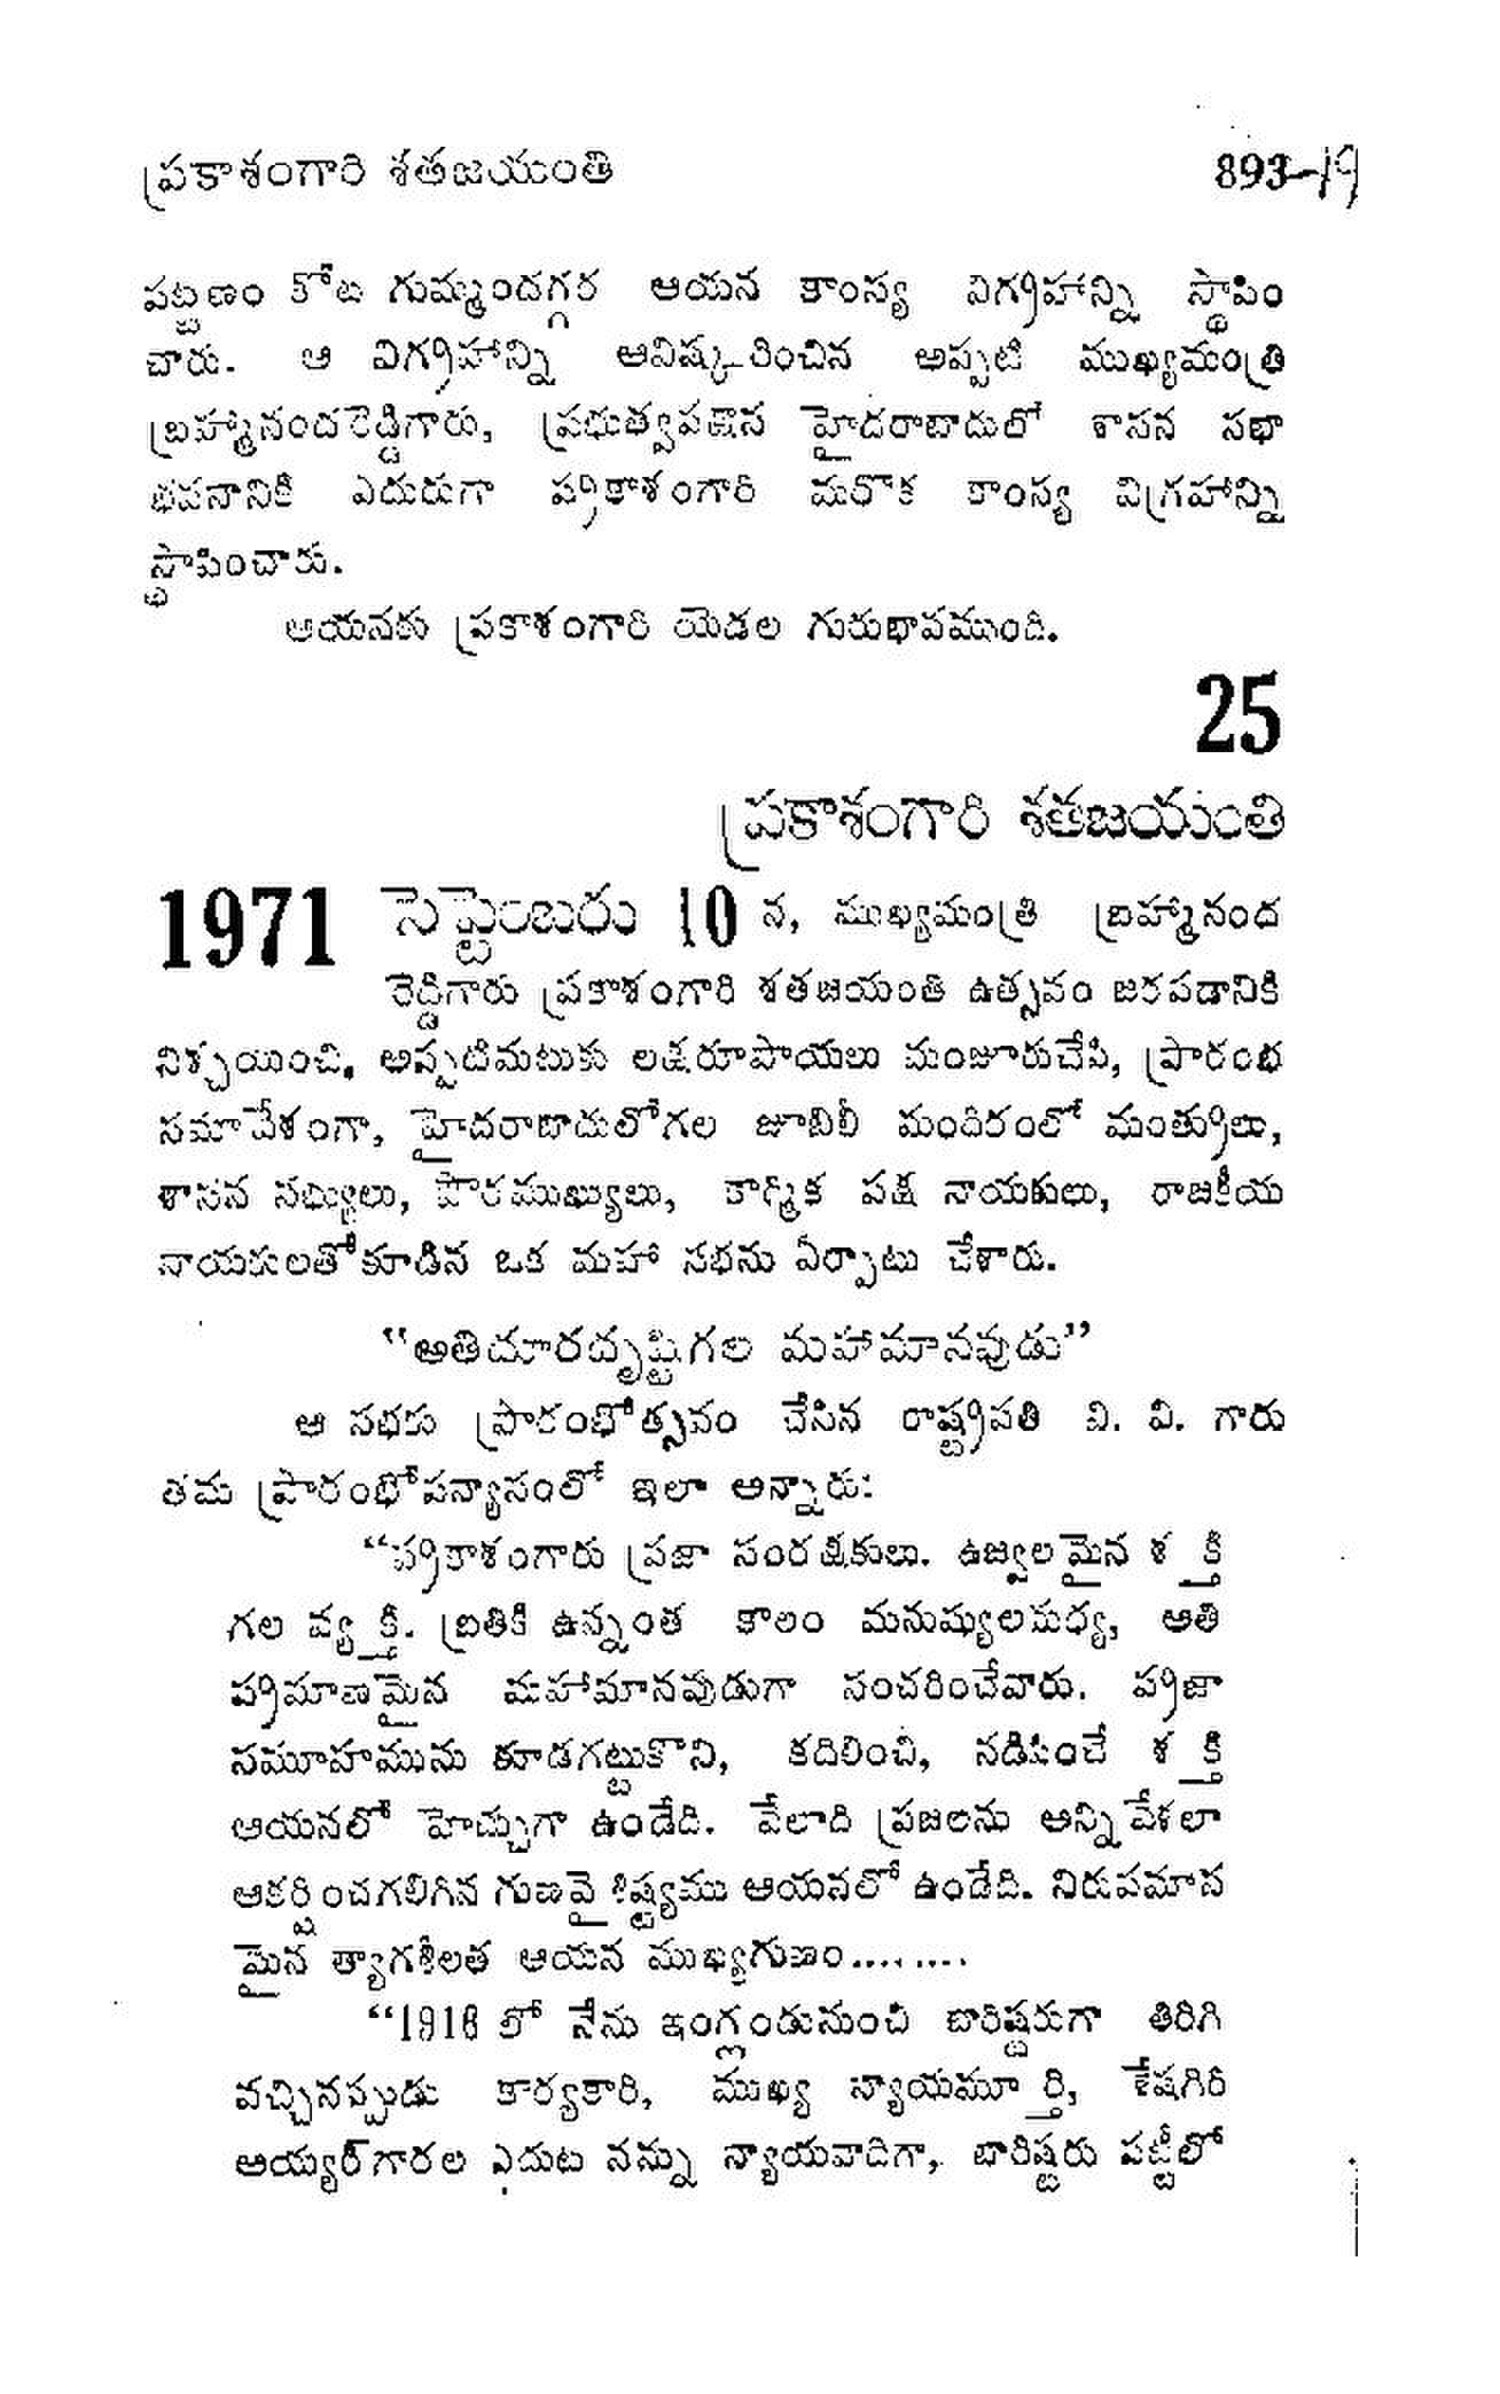పట్టణం కోట గుమ్మందగ్గర ఆయన కాంస్య విగ్రహాన్ని స్థాపించారు. ఆ విగ్రహాన్ని ఆవిష్కరించిన అప్పటి ముఖ్యమంత్రి బ్రహ్మానందరెడ్డిగారు, ప్రభుత్వపక్షాన హైదరాబాదులో శాసన సభా భవనానికి ఎదురుగా ప్రకాశంగారి మరొక కాంస్య విగ్రహాన్ని స్థాపించారు.

ఆయనకు ప్రకాశంగారి యెడల గురుభావముంది.

1971 సెప్టెంబరు 10 న, ముఖ్యమంత్రి బ్రహ్మానందరెడ్డిగారు ప్రకాశంగారి శతజయంతి ఉత్సవం జరపడానికి నిశ్చయించి, అప్పటిమటుకు లక్షరూపాయలు మంజూరుచేసి, ప్రారంభ సమావేశంగా, హైదరాబాదులోగల జూబిలీ మందిరంలో మంత్రులు, శాసన సభ్యులు, పౌరముఖ్యులు, కార్మిక పక్ష నాయకులు, రాజకీయ నాయకులతోకూడిన ఒక మహా సభను ఏర్పాటు చేశారు.

ఆ సభకు ప్రారంభోత్సవం చేసిన రాష్ట్రపతి వి. వి. గారు తమ ప్రారంభోపన్యాసంలో ఇలా అన్నారు:

"ప్రకాశంగారు ప్రజా సంరక్షకులు. ఉజ్వలమైన శక్తి గల వ్యక్తి. బ్రతికి ఉన్నంత కాలం మనుష్యులమధ్య అతి ప్రమాణమైన మహామానవుడుగా సంచరించేవారు. ప్రజా సమూహమును కూడగట్టుకొని, కదిలించి, నడిపించే శక్తి ఆయనలో హెచ్చుగా ఉండేది. వేలాది ప్రజలను అన్ని వేళలా ఆకర్షించగలిగిన గుణవైశిష్ట్యము ఆయనలో ఉండేది. నిరుపమానమైన త్యాగశీలత ఆయన ముఖ్యగుణం.......

"1916 లో నేను ఇంగ్లండునుంచి బారిష్టరుగా తిరిగి వచ్చినప్పుడు కార్యకారి, ముఖ్య న్యాయమూర్తి, శేషగిరి అయ్యర్‌గారల ఎదుట నన్ను న్యాయవాదిగా, బారిష్టరు పట్టీలో